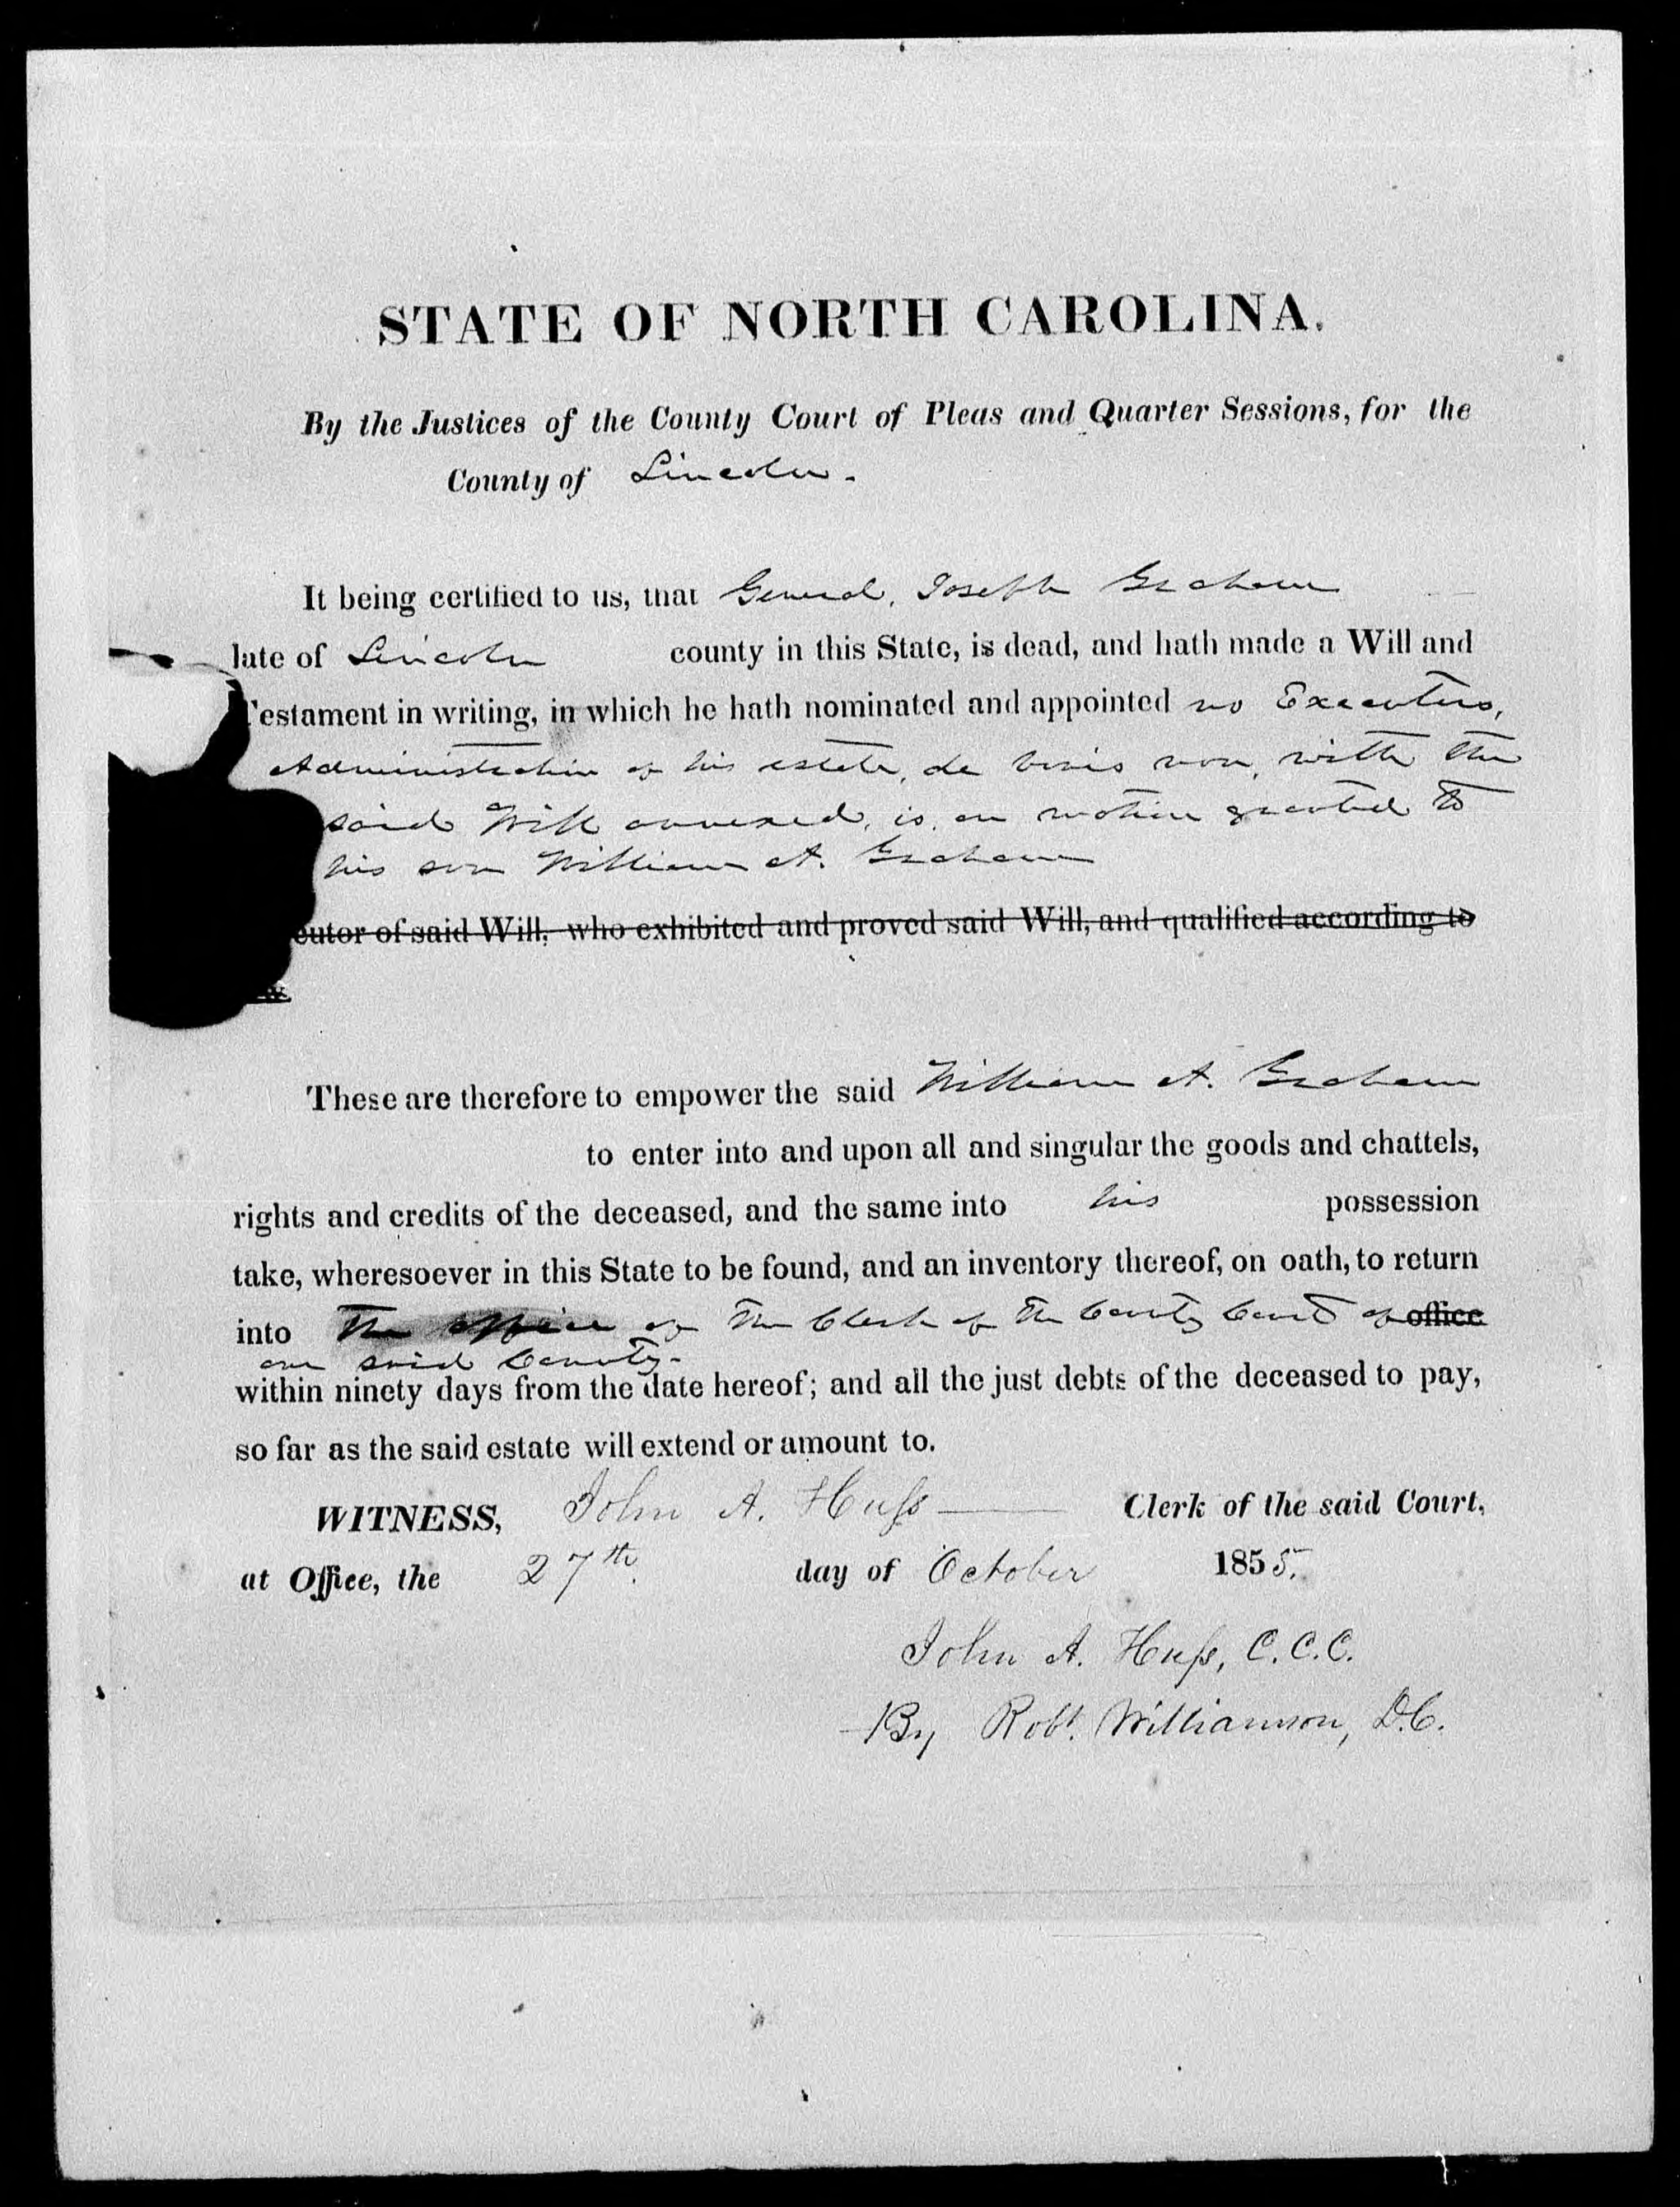STATE OF NORTH CAROLINA.
By the Justices of the County Court of Pleas and Quarter Sessions, for the County of Lincoln.

It being certified to us, that General Joseph Graham late of Lincoln county in this State, is dead, and hath made a Will and Testament in writing, in which he hath nominatd and appointed no Executors, Administration of his estate, de vinis non [de bonis non], with the said Will annexed, is on notice granted to his son William A. Graham

These are therefore to empower the said William A. Graham to enter into and upon all and singular the good and chattels, rights and credits of the deceased, and the same into his possession take, wheresoever in this State to be found and an inventory thereof, on oath, to return into the office of the Clerk of the County Court wihtin ninety days from the date hereof; and all the just debts of the deceased to pay, so far as the said estate will extend or amount to.
WITNESS, John A. Huss Clerk of the said Court, at Office the 27th day of October 1855.
John A. Huss, C. C. C. 
By Robt. William, D. C.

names: William A Graham, John A Huss, William A Graham, John A Huss, Will, Joseph Graham, Robt Williamson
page: 40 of 55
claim: survivor's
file: S. 6,937, Joseph Graham, N.C.